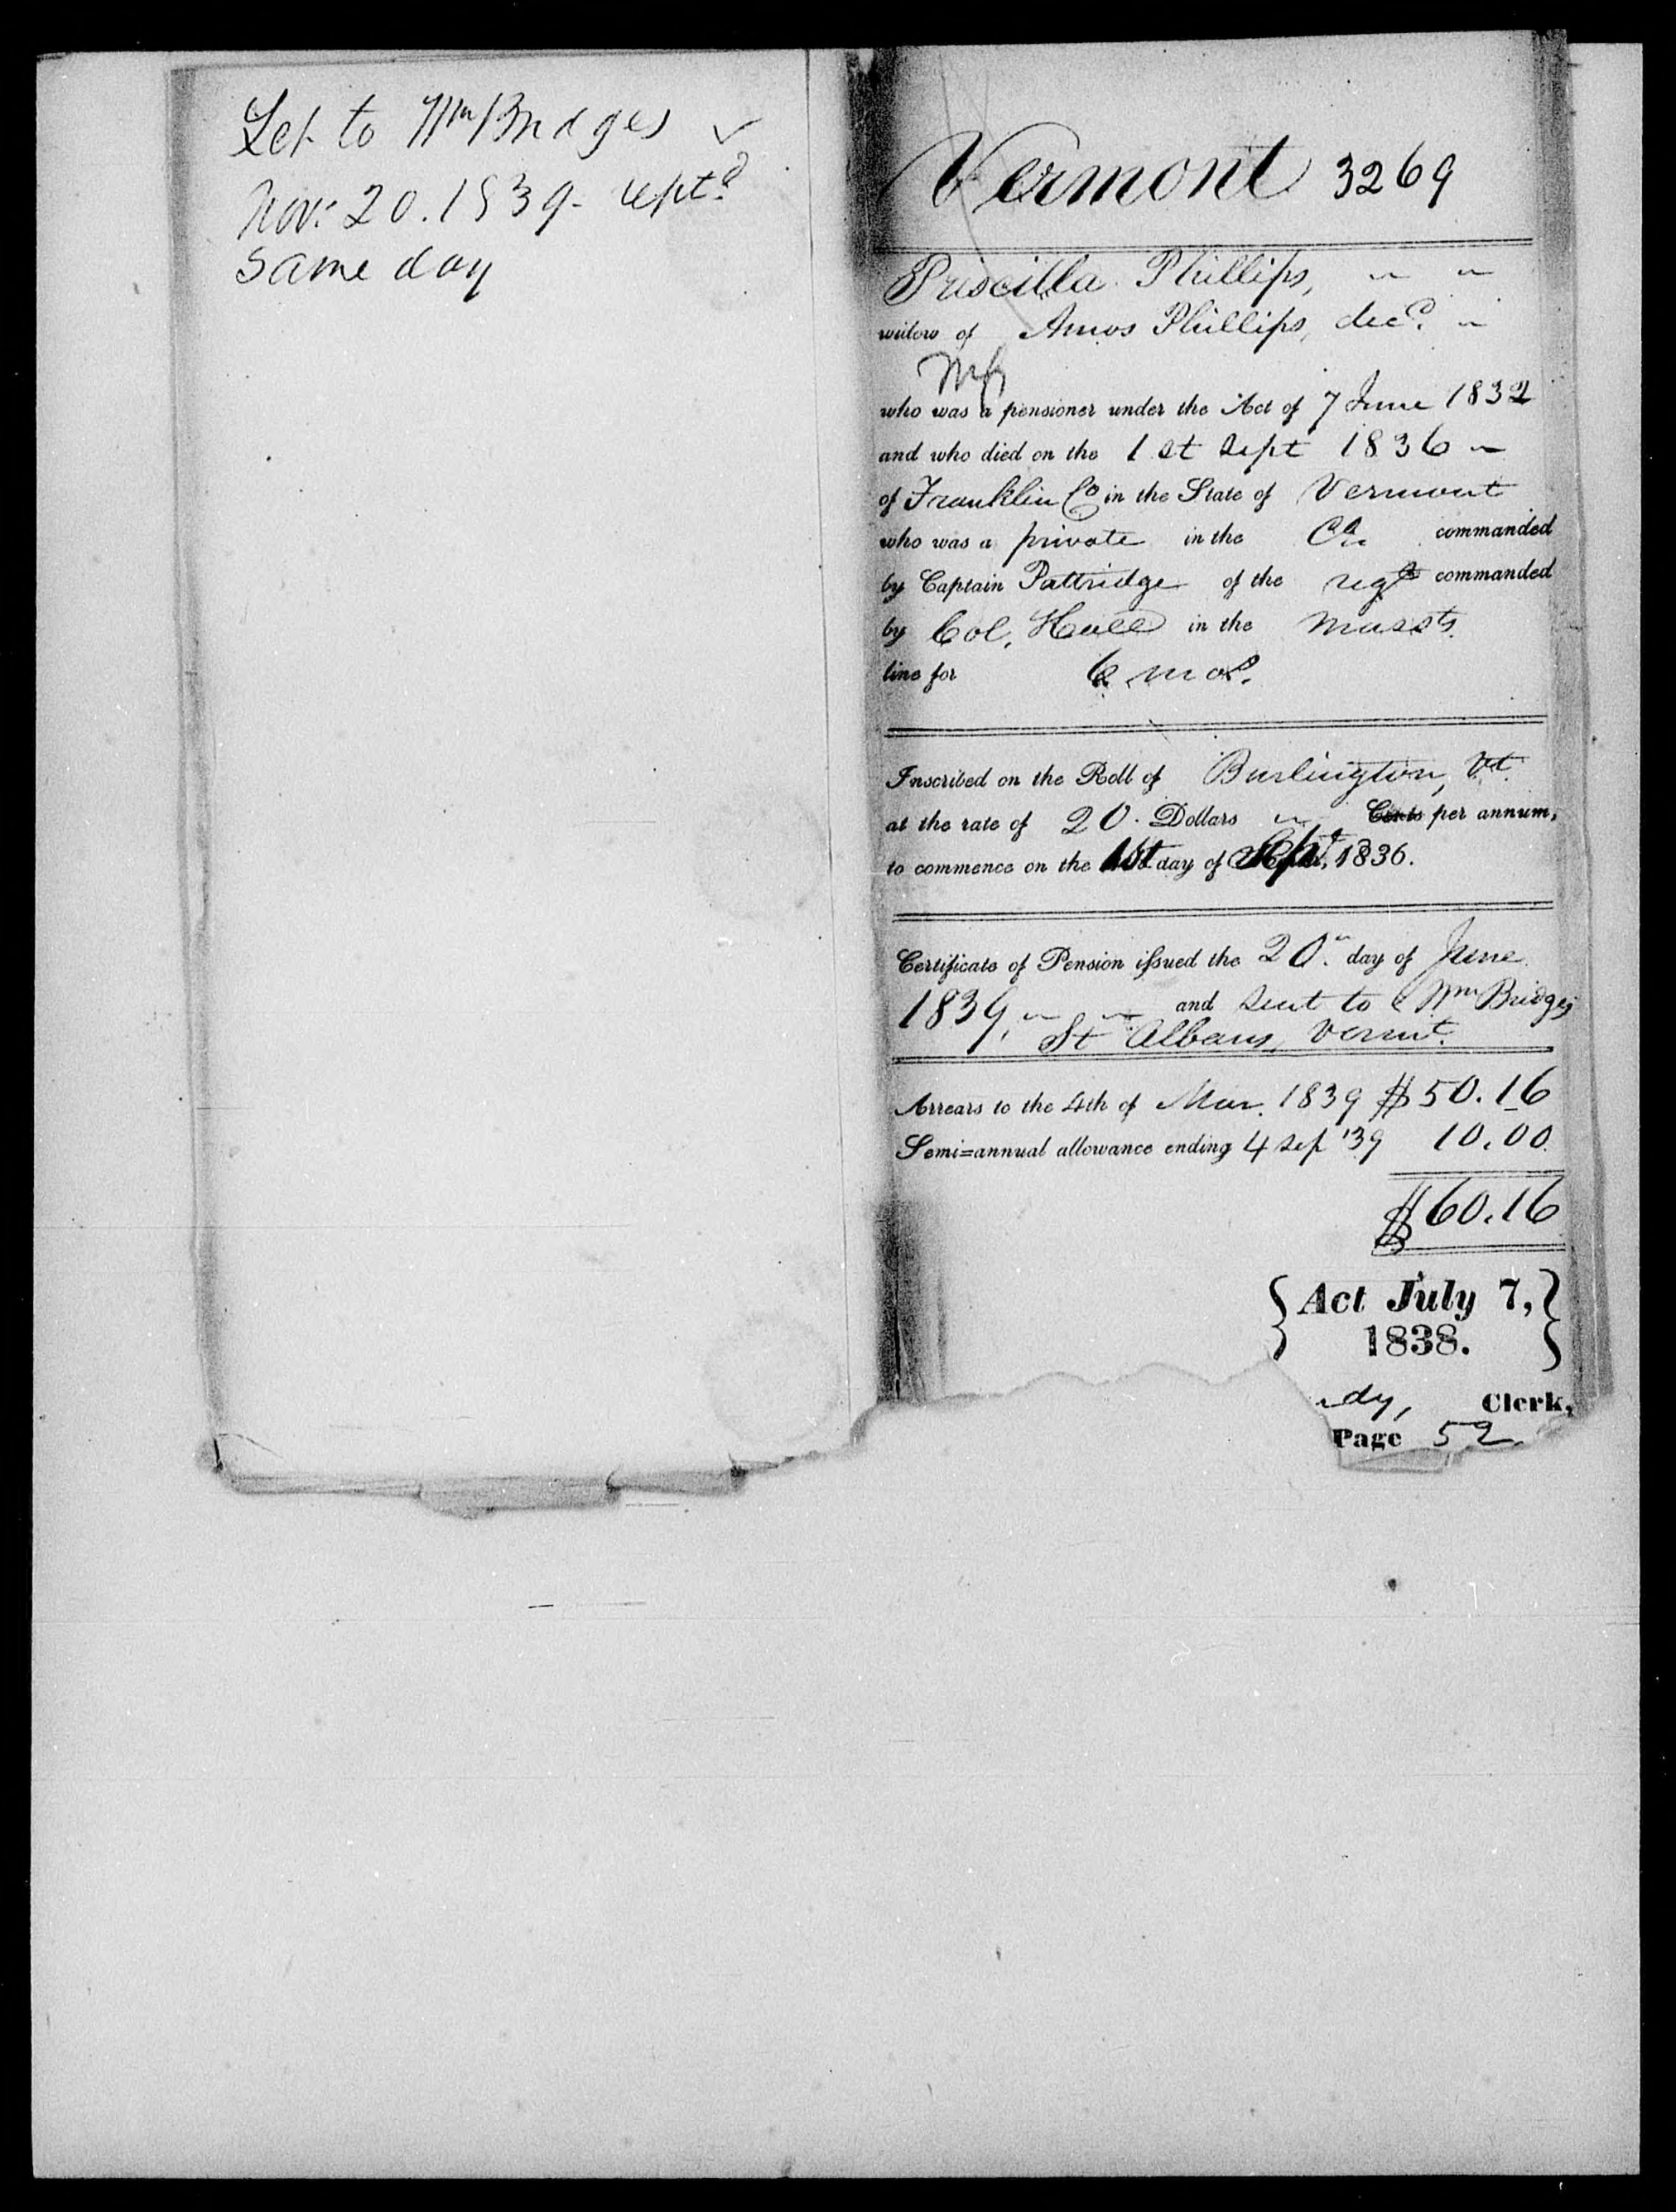Let to Wm Bridges 
Nov. 20. 1839 Sept 8 same day
[Preprinted form with handwritten answers]
Vermont 3269
Priscilla Phillips widow of Amos Phillips, dec who was a pensioner under the Act of 7 June 1832 and who died on the 1st Sept 1836 of Franklin Co in the State of Vermont
who was a private in the Co. commanded
Captain Pattridge of the Regt commanded
Col. Hull in the mussts line for 6 mos. Inscribed on the Roll of Burlington, Vt. at the rate of 20. Dollars [Cents crossed out] per annum, to 
commence on the 1st day of Sept 1836
Certificate of Pension issued the 20th day of June 1839, and sent to W. Bridges St Albans Vermt. Arrears to the 4th of Mar 1839 $50.16
Semi=annual allowance ending 4 Sep '39 10.00
$60.16 Act July 7, 1838.  dy, Clerk. Page 52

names: [BLANK] Pattridge; Priscilla Phillips; [BLANK] Hall; Amos Phillips; Wm Bridges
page: 3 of 26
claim: widow's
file: W. 26,886, for Amos Phillips, Massachusetts